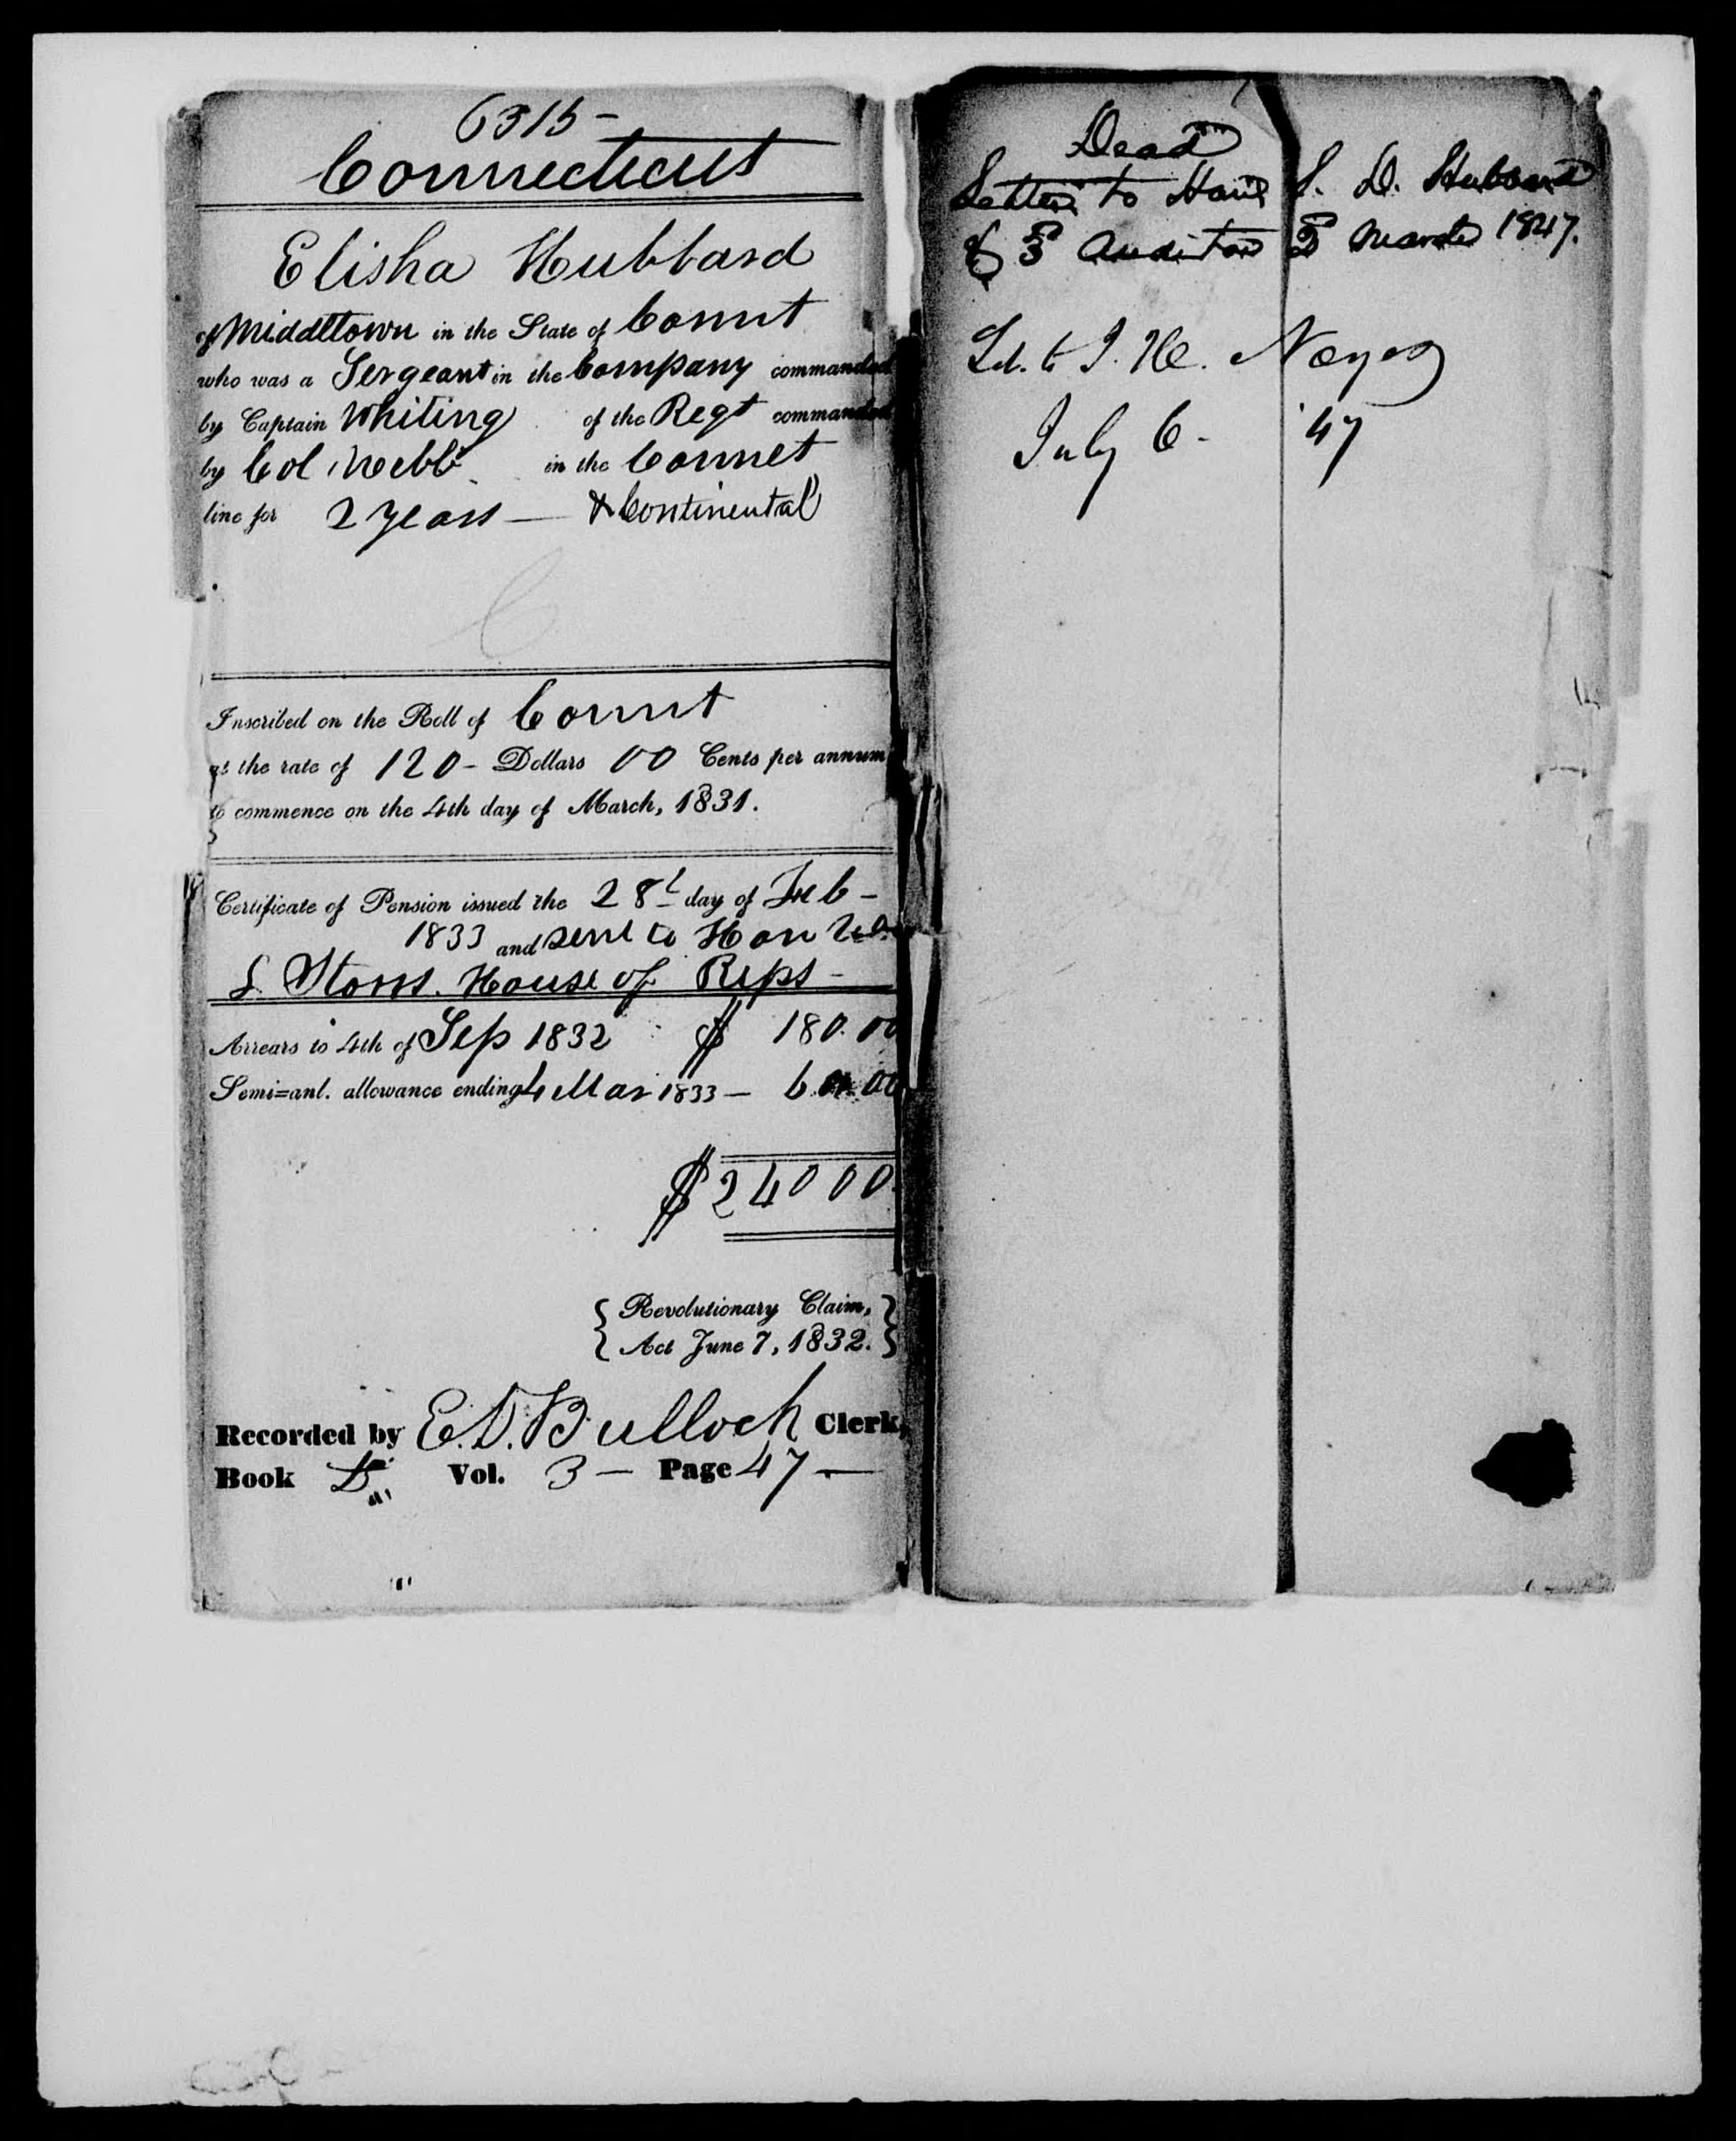6315
Connecticut
Elisha Hubbard
of Middltown in the State of Cnnt
who was a  Sergeant in the Company commanded by Captain Whiting of the Regt commanded by Col. Webb in the Connt line for 2 years - & Continental

Inscribed on the Roll on Connt at the rate of 120 Dollars 00 Cents per annum to commence on the 4th day of March, 1831.

Certificate of Pension issued the 28th day of Feb -  1833 and sent to Hon (?) L Starr. ouse of Reps - 

Arrears to 4th of Sept 1832               $180.00
Sem-anl.  allowance ending  (?) 1833 -    60.00
                                                           $24000

{Revolutionary Claim, }
{Act June 7, 1832.}

Recorded by E D. Bullock Clerk
Book D  Vol. 3 -   Page 47

Dead
Settes to Hand    S. D. Hubbard
(?) 3rd Auditor          2 March 1847
Let. to J.  H. Noyes
July 6- '47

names: J H Noyes, S D Hubbard, Webb, W L Storrs, Whiting, E D Bulloch, Elisha Hubbard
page: 2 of 63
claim: survivor's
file: S. 18457, Elisha Hubbard, Conn. Continental